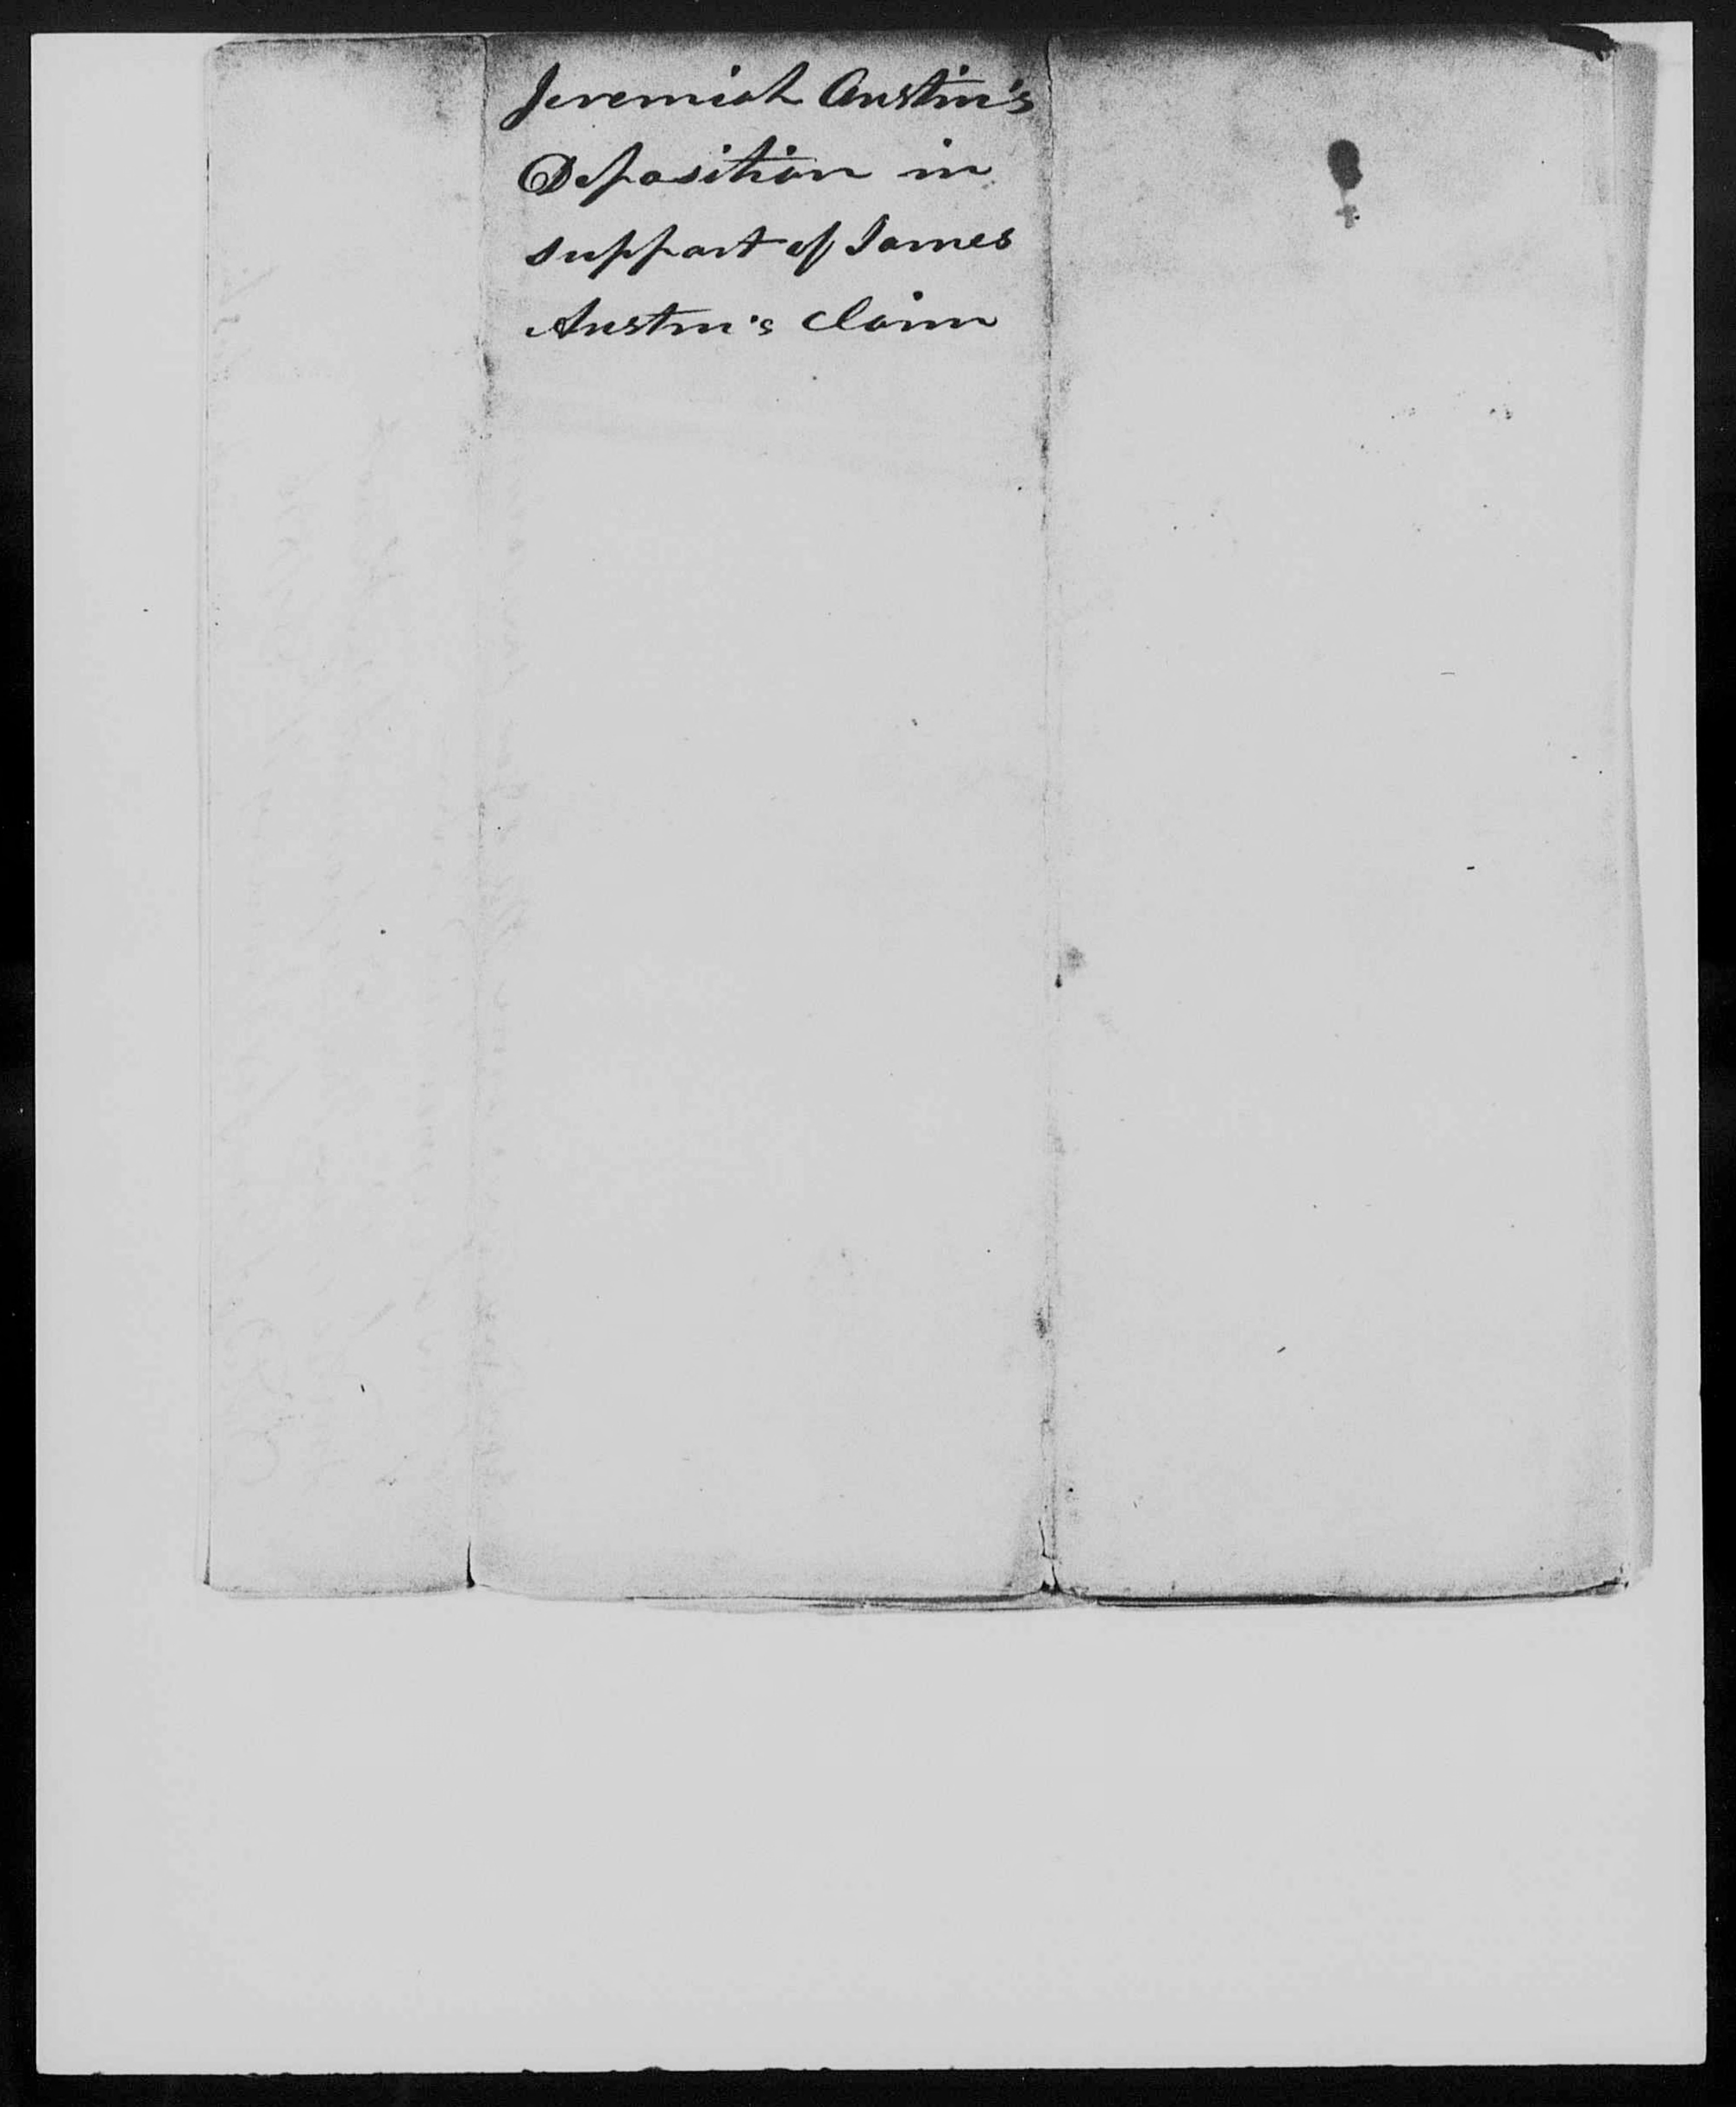Jeremiah Austin's Deposition in support of James Austin's claim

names: James Austin, Jeremiah Austin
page: 83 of 100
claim: survivor's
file: S 19186, James Austin, Conn. New York R.I.